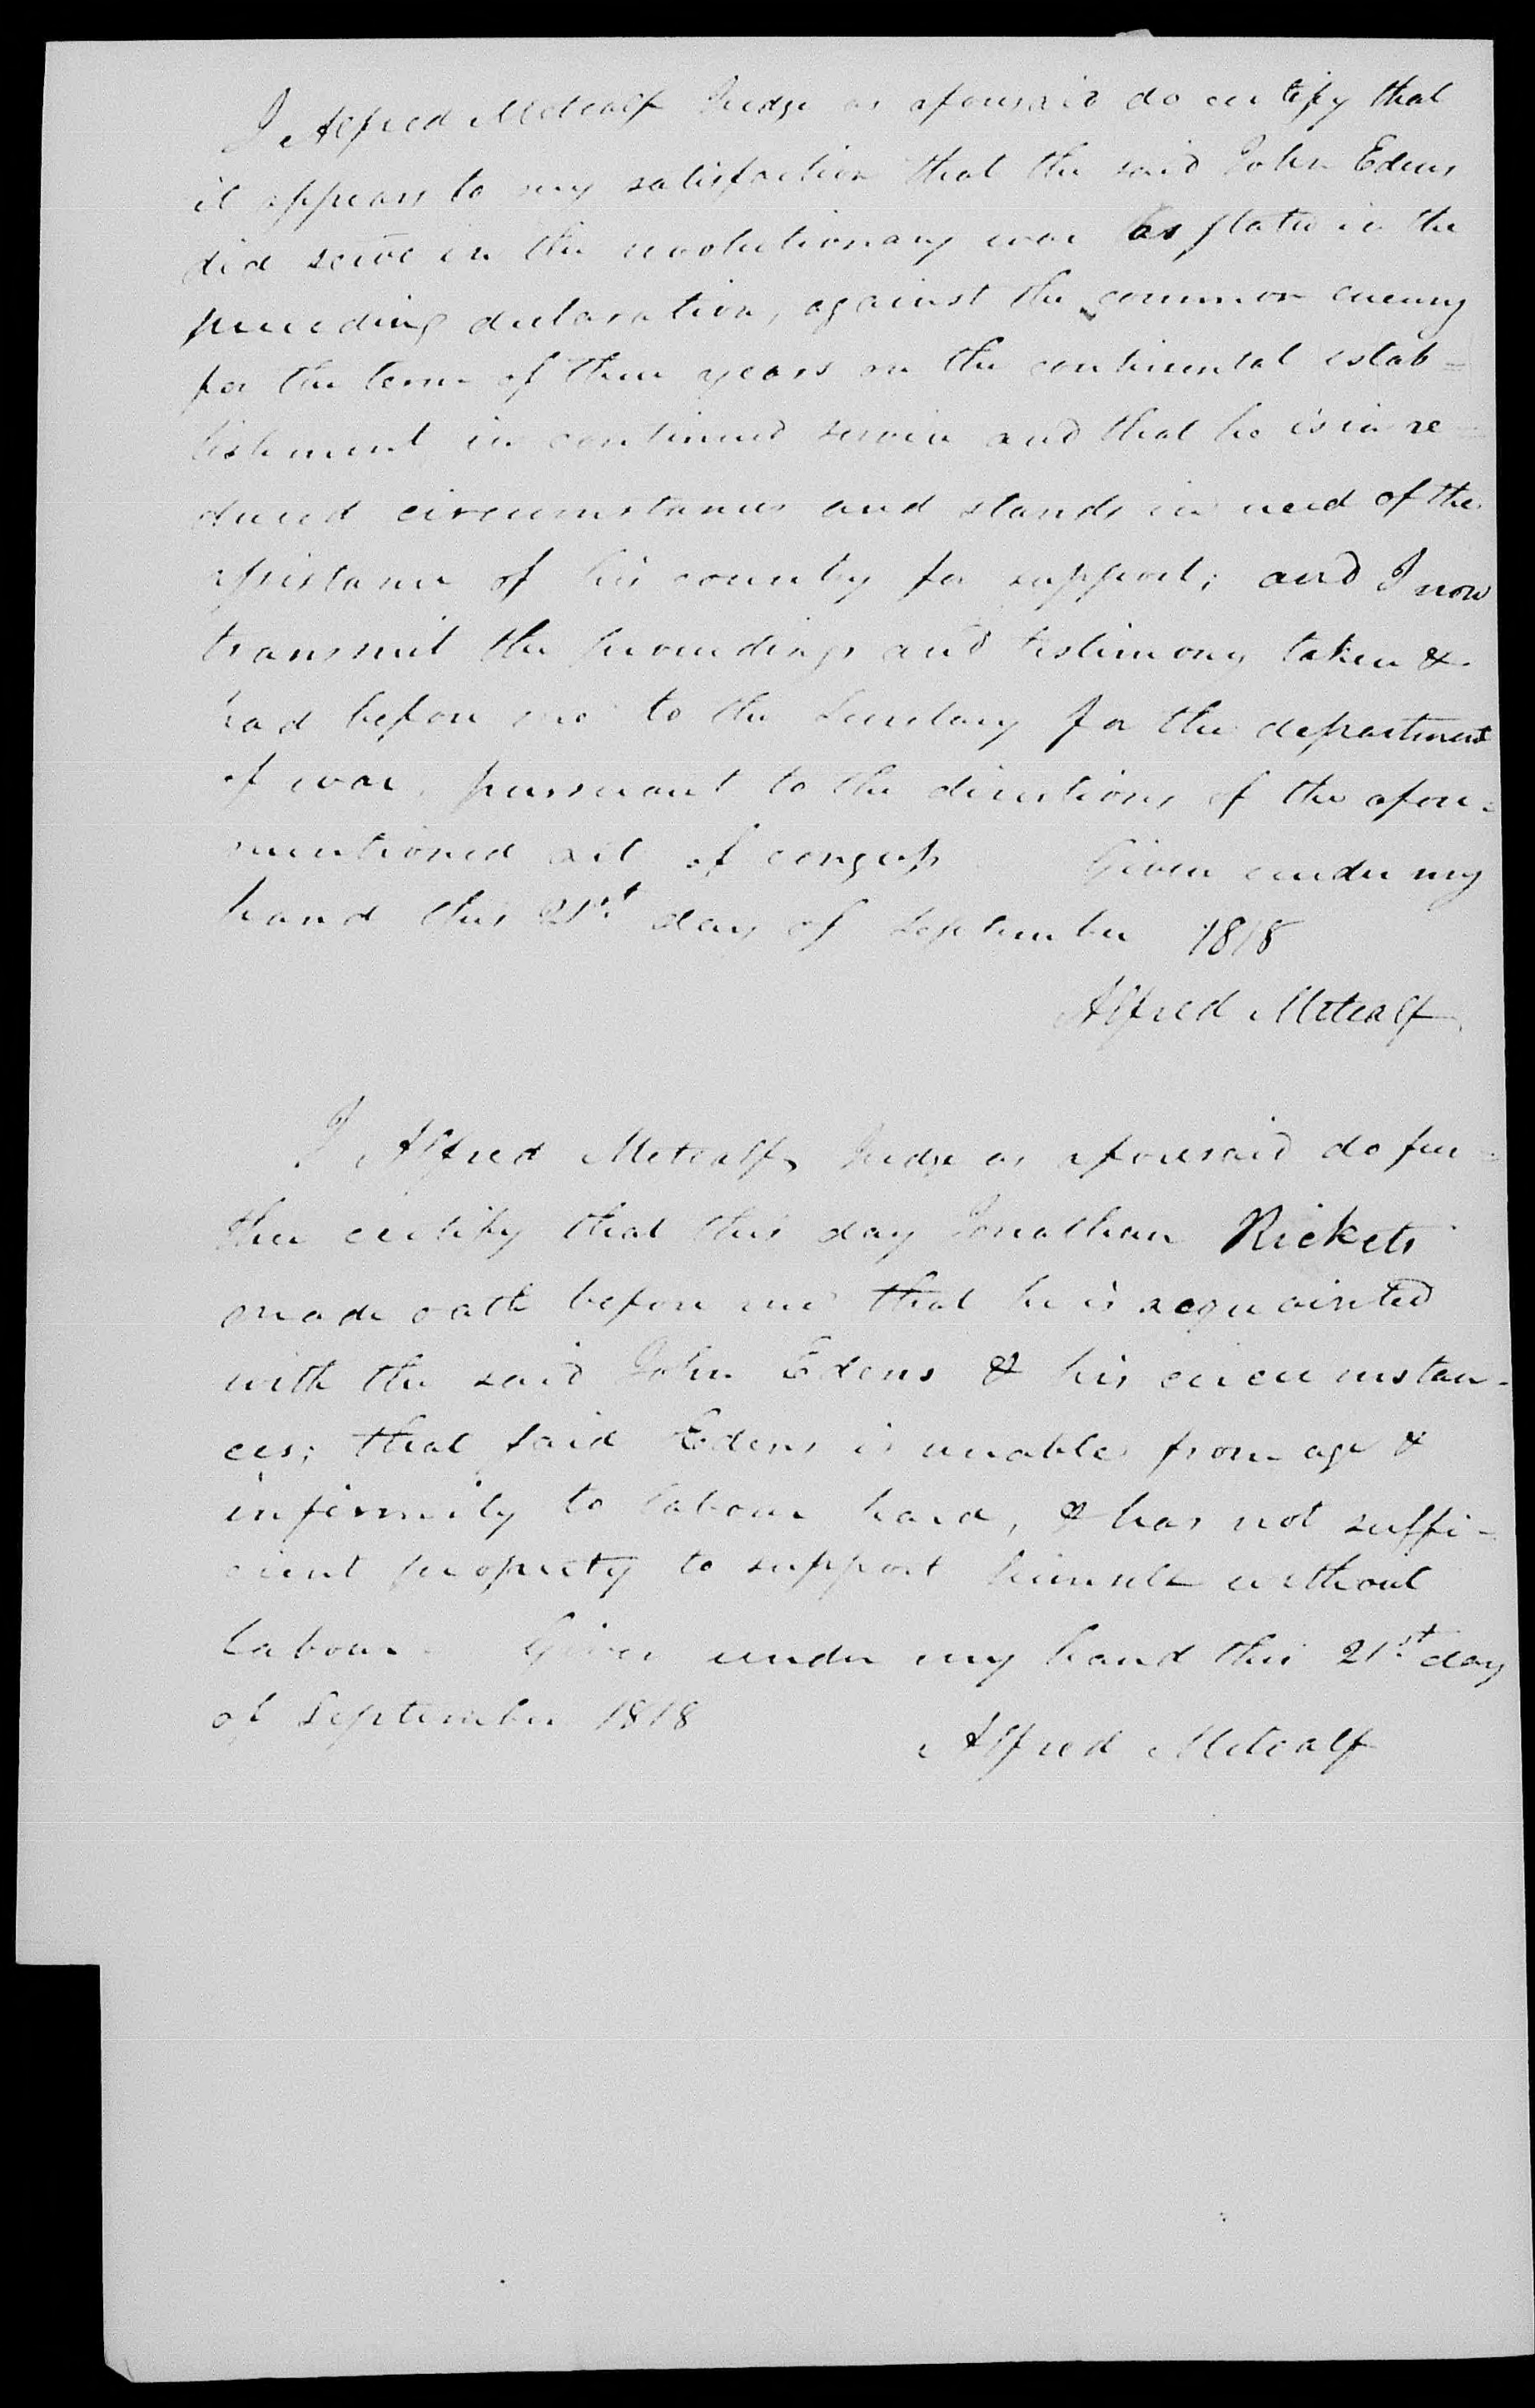I, Alfred Metcalf Judge as aforesaid do certify that it appears to my satisfaction that the said John Edens did serve in the revolutionary war as stated in the preceding declaration, against the common enemy for the term of three years on the continental establishment in continued serving and that he is in reduced circumstances and stands in need of the assistance of his country for support; and I now transmit the proceedings and testimony taken & had before me to the Secretary for the department of war pursuant to the directions of the aforementioned act of congress

Given under my hand this 21st day of September 1818
Alfred Metcalf

I, Alfred Metcalf Judge as aforesaid do further certify that this day Jonathan Rickets made oath before me that he is acquainted with the said John Edens & his circumstances; that said Eden is unable from age & infirmity to labour hard, & has not sufficient property to support himself without Labour 

Given under my hand this 21st day of September 1818
Alfred Metcalf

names: Alfred Metcalf, Edens, Alfred Metcalf, Alfred Metcalf, John Edens, John Edens, Jonathan Rickets, Alfred Metcalf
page: 4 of 14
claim: survivor's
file: S 35911, John Edens, S.C.